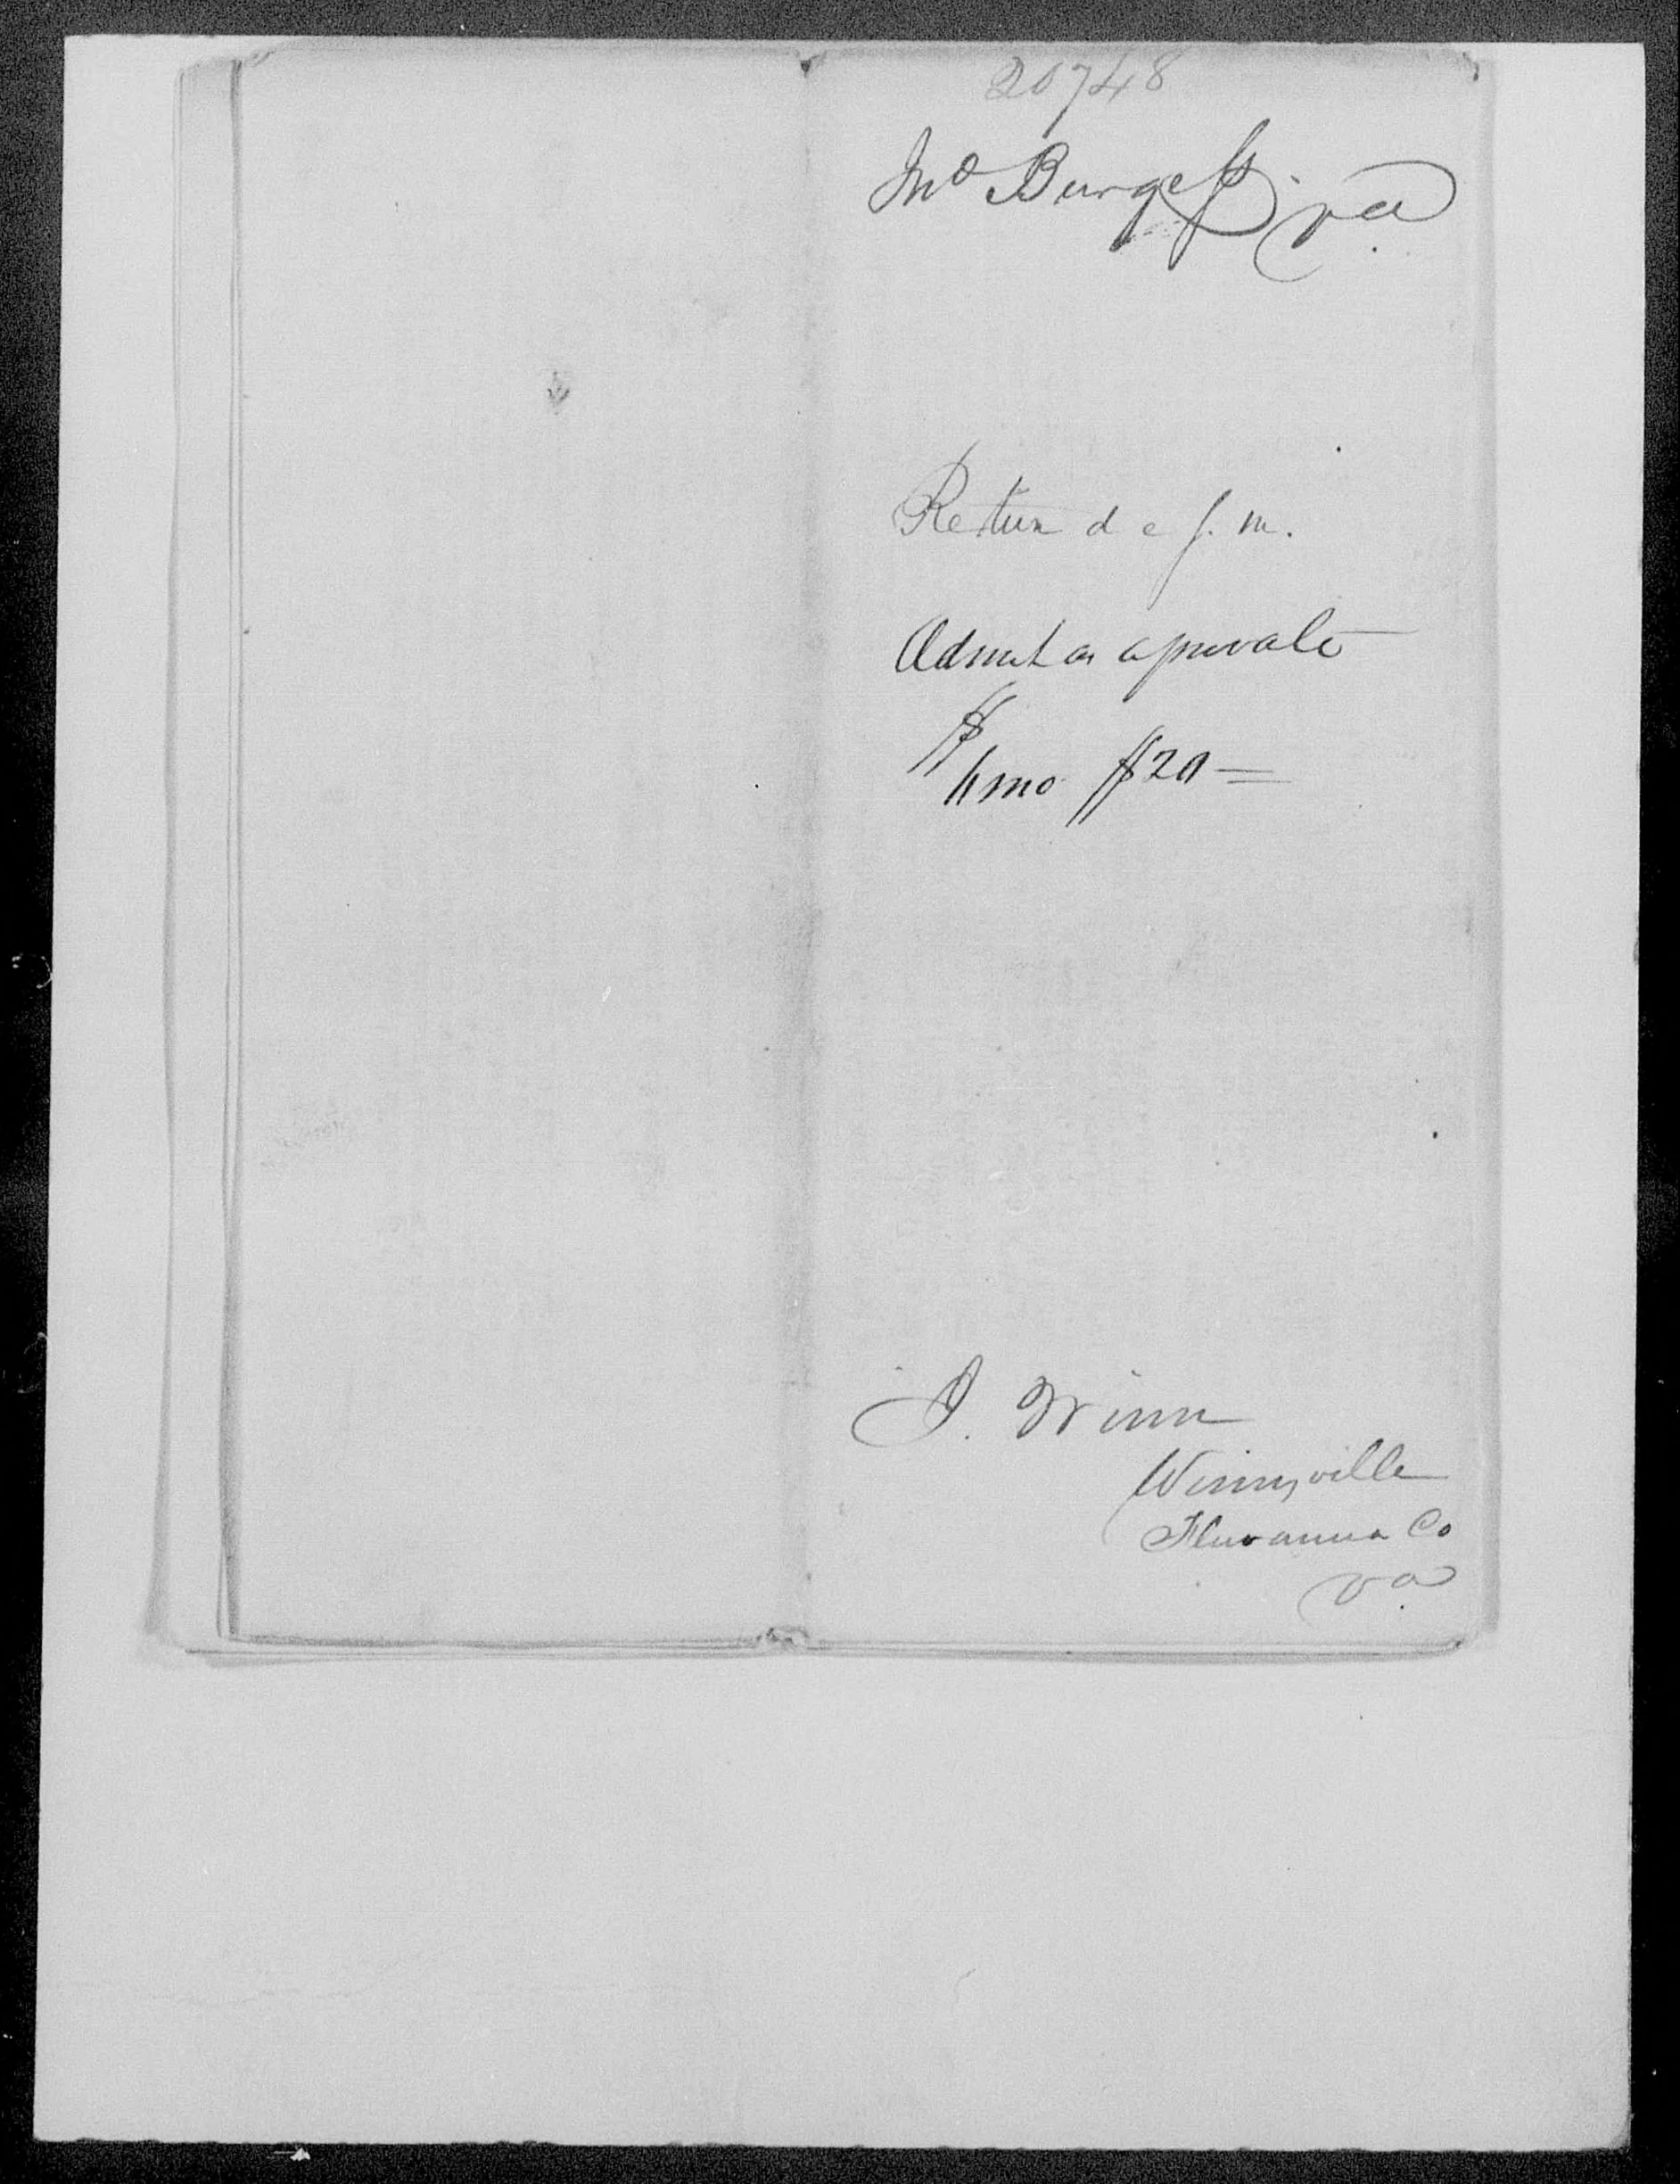29748
Jno  Burgess   Va

Returned [efm]
Admit as a private
$ 4 mo $20

J. Winn
Winnsville  Fluvanna Co. Va.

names: Jno Burgess, J Winn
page: 5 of 16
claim: survivor's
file: S. 8113, John Burgess, Va.